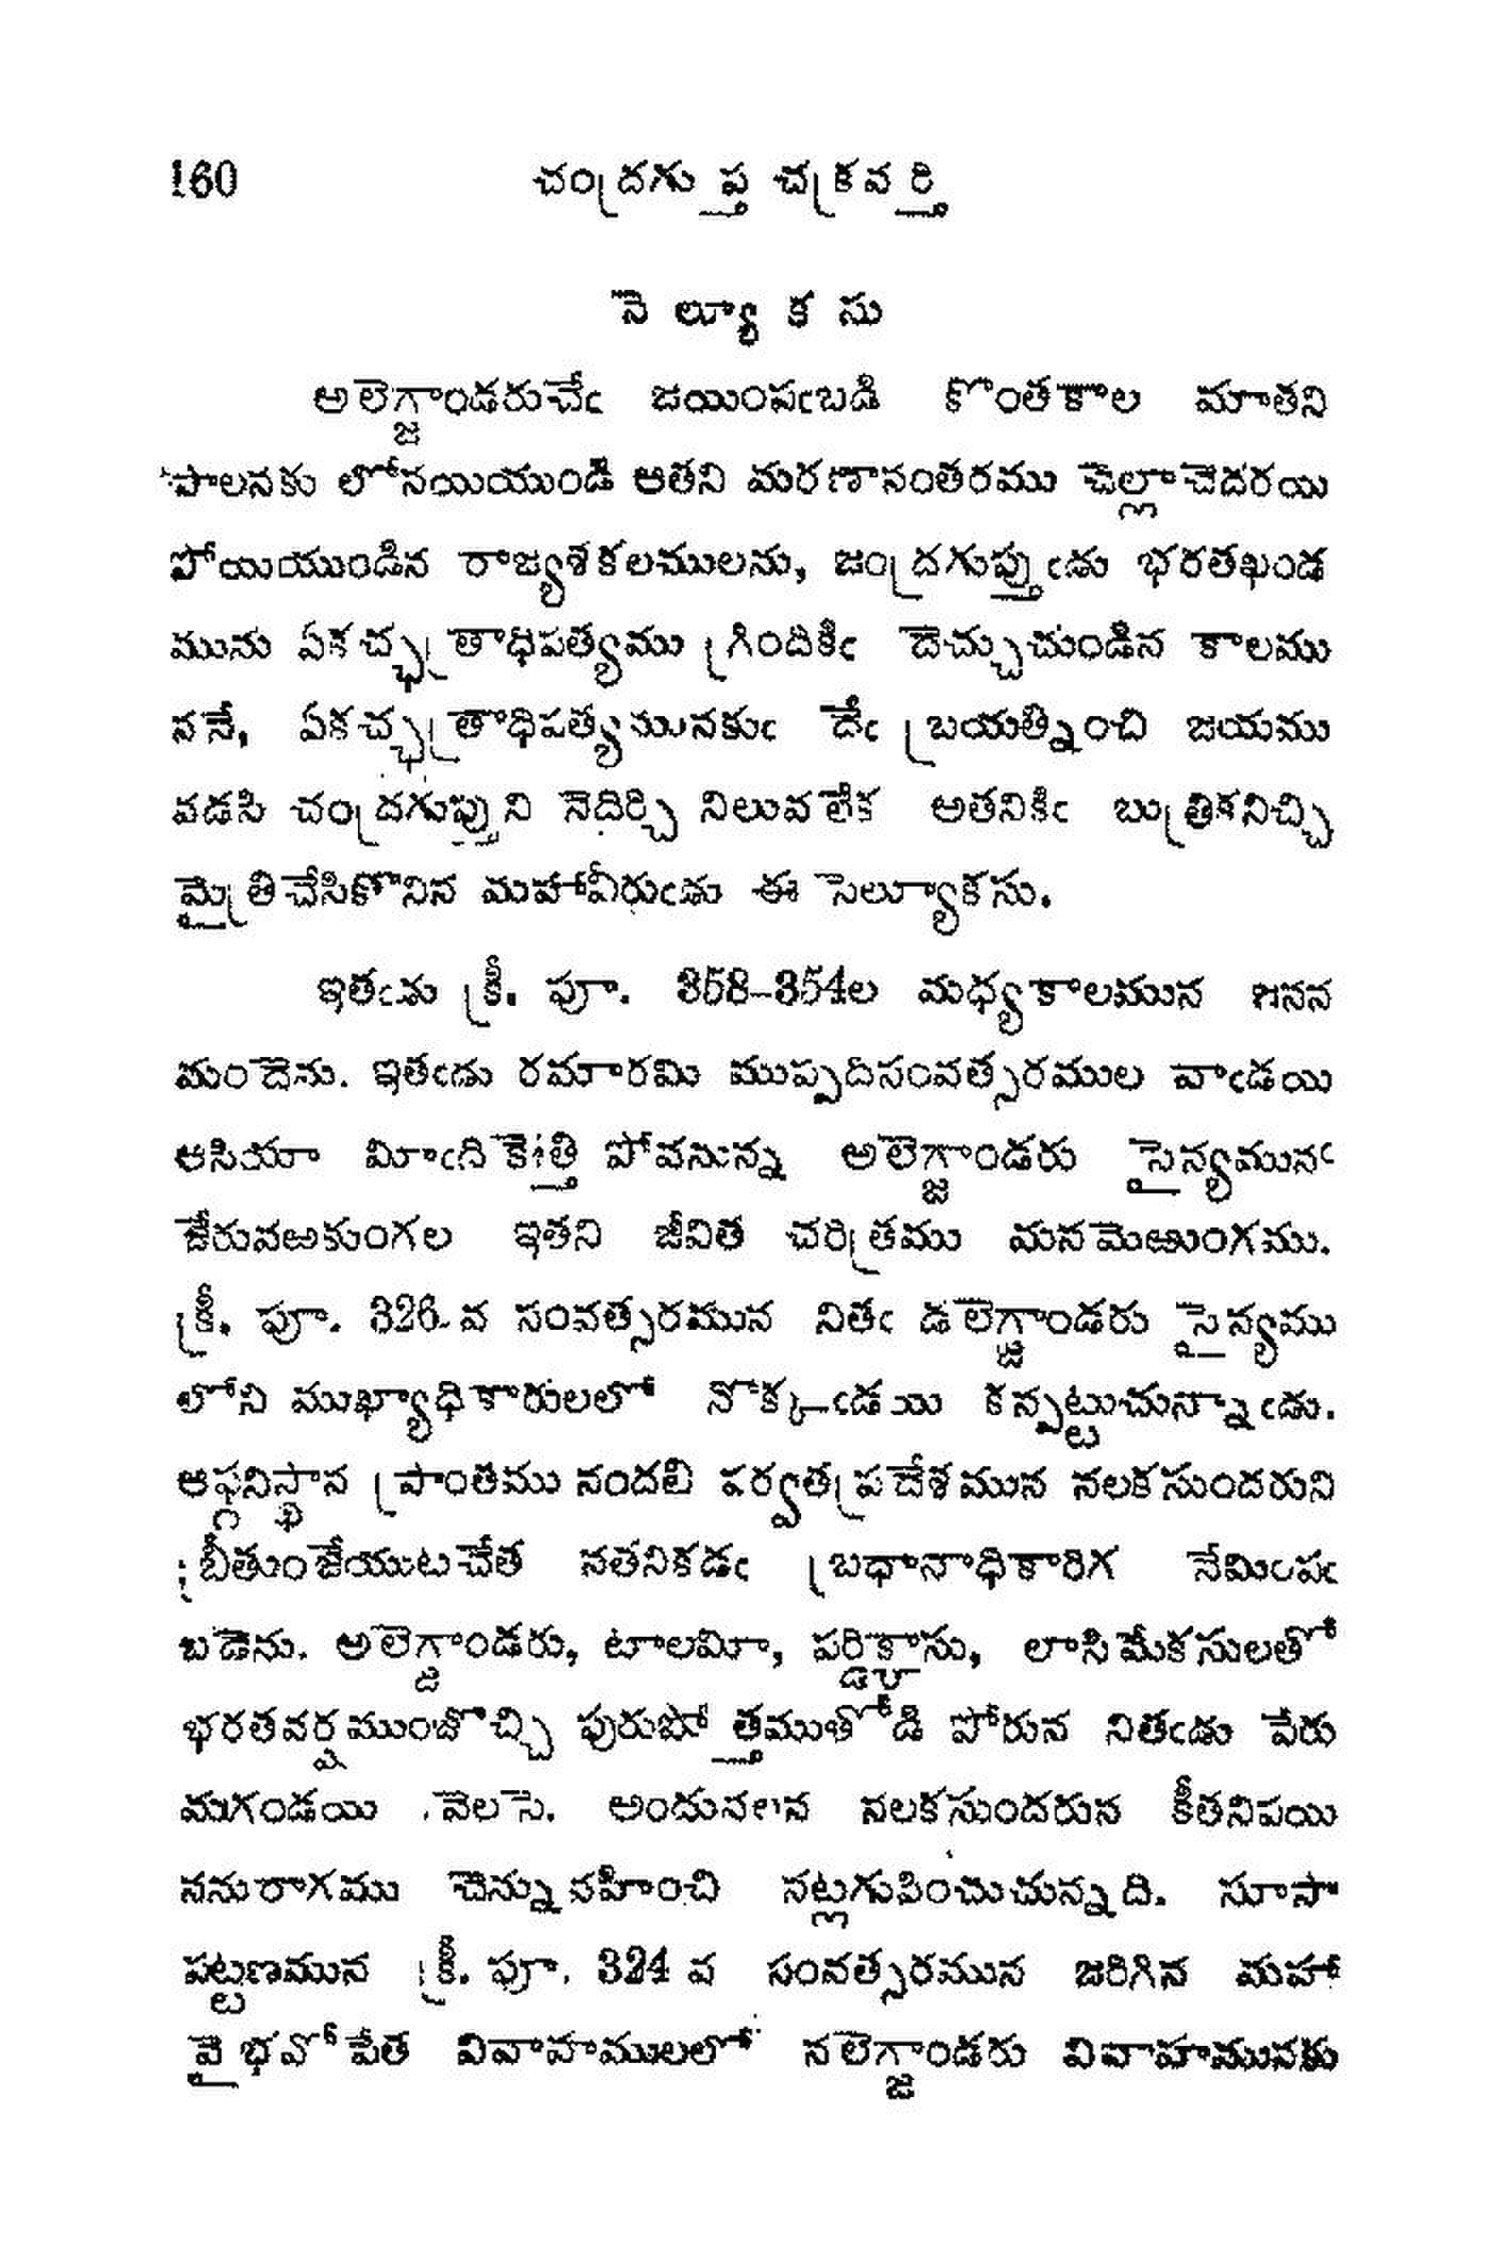సెల్యూకసు 

అలెగ్జాండరుచేఁ జయింపఁబడి కొంతకాల మాతని పాలనకు లోనయియుండి ఆతని మరణానంతరము చెల్లాచెదరయి పోయియుండిన రాజ్యశకలములను, జంద్రగుప్తుఁడు భరతఖండమును ఏకచ్ఛత్రాధిపత్యము గ్రిందికిఁ దెచ్చుచుండిన కాలముననే, ఏకచ్ఛత్రాధిపత్యమునకుఁ దేఁ బ్రయత్నించి జయము వడసి చంద్రగుప్తుని నెదిర్చి నిలువలేక అతనికిఁ బుత్రికనిచ్చి మైత్రిచేసికొనిన మహావీరుఁడు ఈ సెల్యూకసు.

ఇతఁడు క్రీ. పూ. 358-354ల మధ్యకాలమున జనన మందెను. ఇతఁడు రమారమి ముప్పదిసంవత్సరముల వాఁడయి ఆసియా మీఁది కెత్తి పోవనున్న అలెగ్జాండరు సైన్యమునఁ జేరువఱకుంగల ఇతని జీవిత చరిత్రము మనమెఱుంగము. క్రీ. పూ. 326.వ సంవత్సరమున నితఁ డలెగ్జాండరు సైన్యములోని ముఖ్యాధికారులలో నొక్కఁడయి కన్పట్టుచున్నాఁడు. ఆప్గఘనిస్థాన ప్రాంతము నందలి పర్వతప్రదేశమున నలకసుందరుని బ్రీతుంజేయుటచేత నతనికడఁ బ్రధానాధికారిగ నేమింప బడెను. అలెగ్జాండరు, టాలమీ, పర్డిక్కాసు, లాసిమేకసులతో భరతవర్షముంజొచ్చి పురుషోత్తముతోడి పోరున నితఁడు పేరు మగండయి . వెలసె. అందువలన నలకసుందరున కీతనిపయి ననురాగము చెన్నువహించి నట్లగుపించుచున్నది. సూసాపట్టణమున క్రీ. పూ. 324 వ సంనత్సరమున జరిగిన మహావైభవోపేత వివాహములలో నలెగ్జాండరు వివాహమునకు